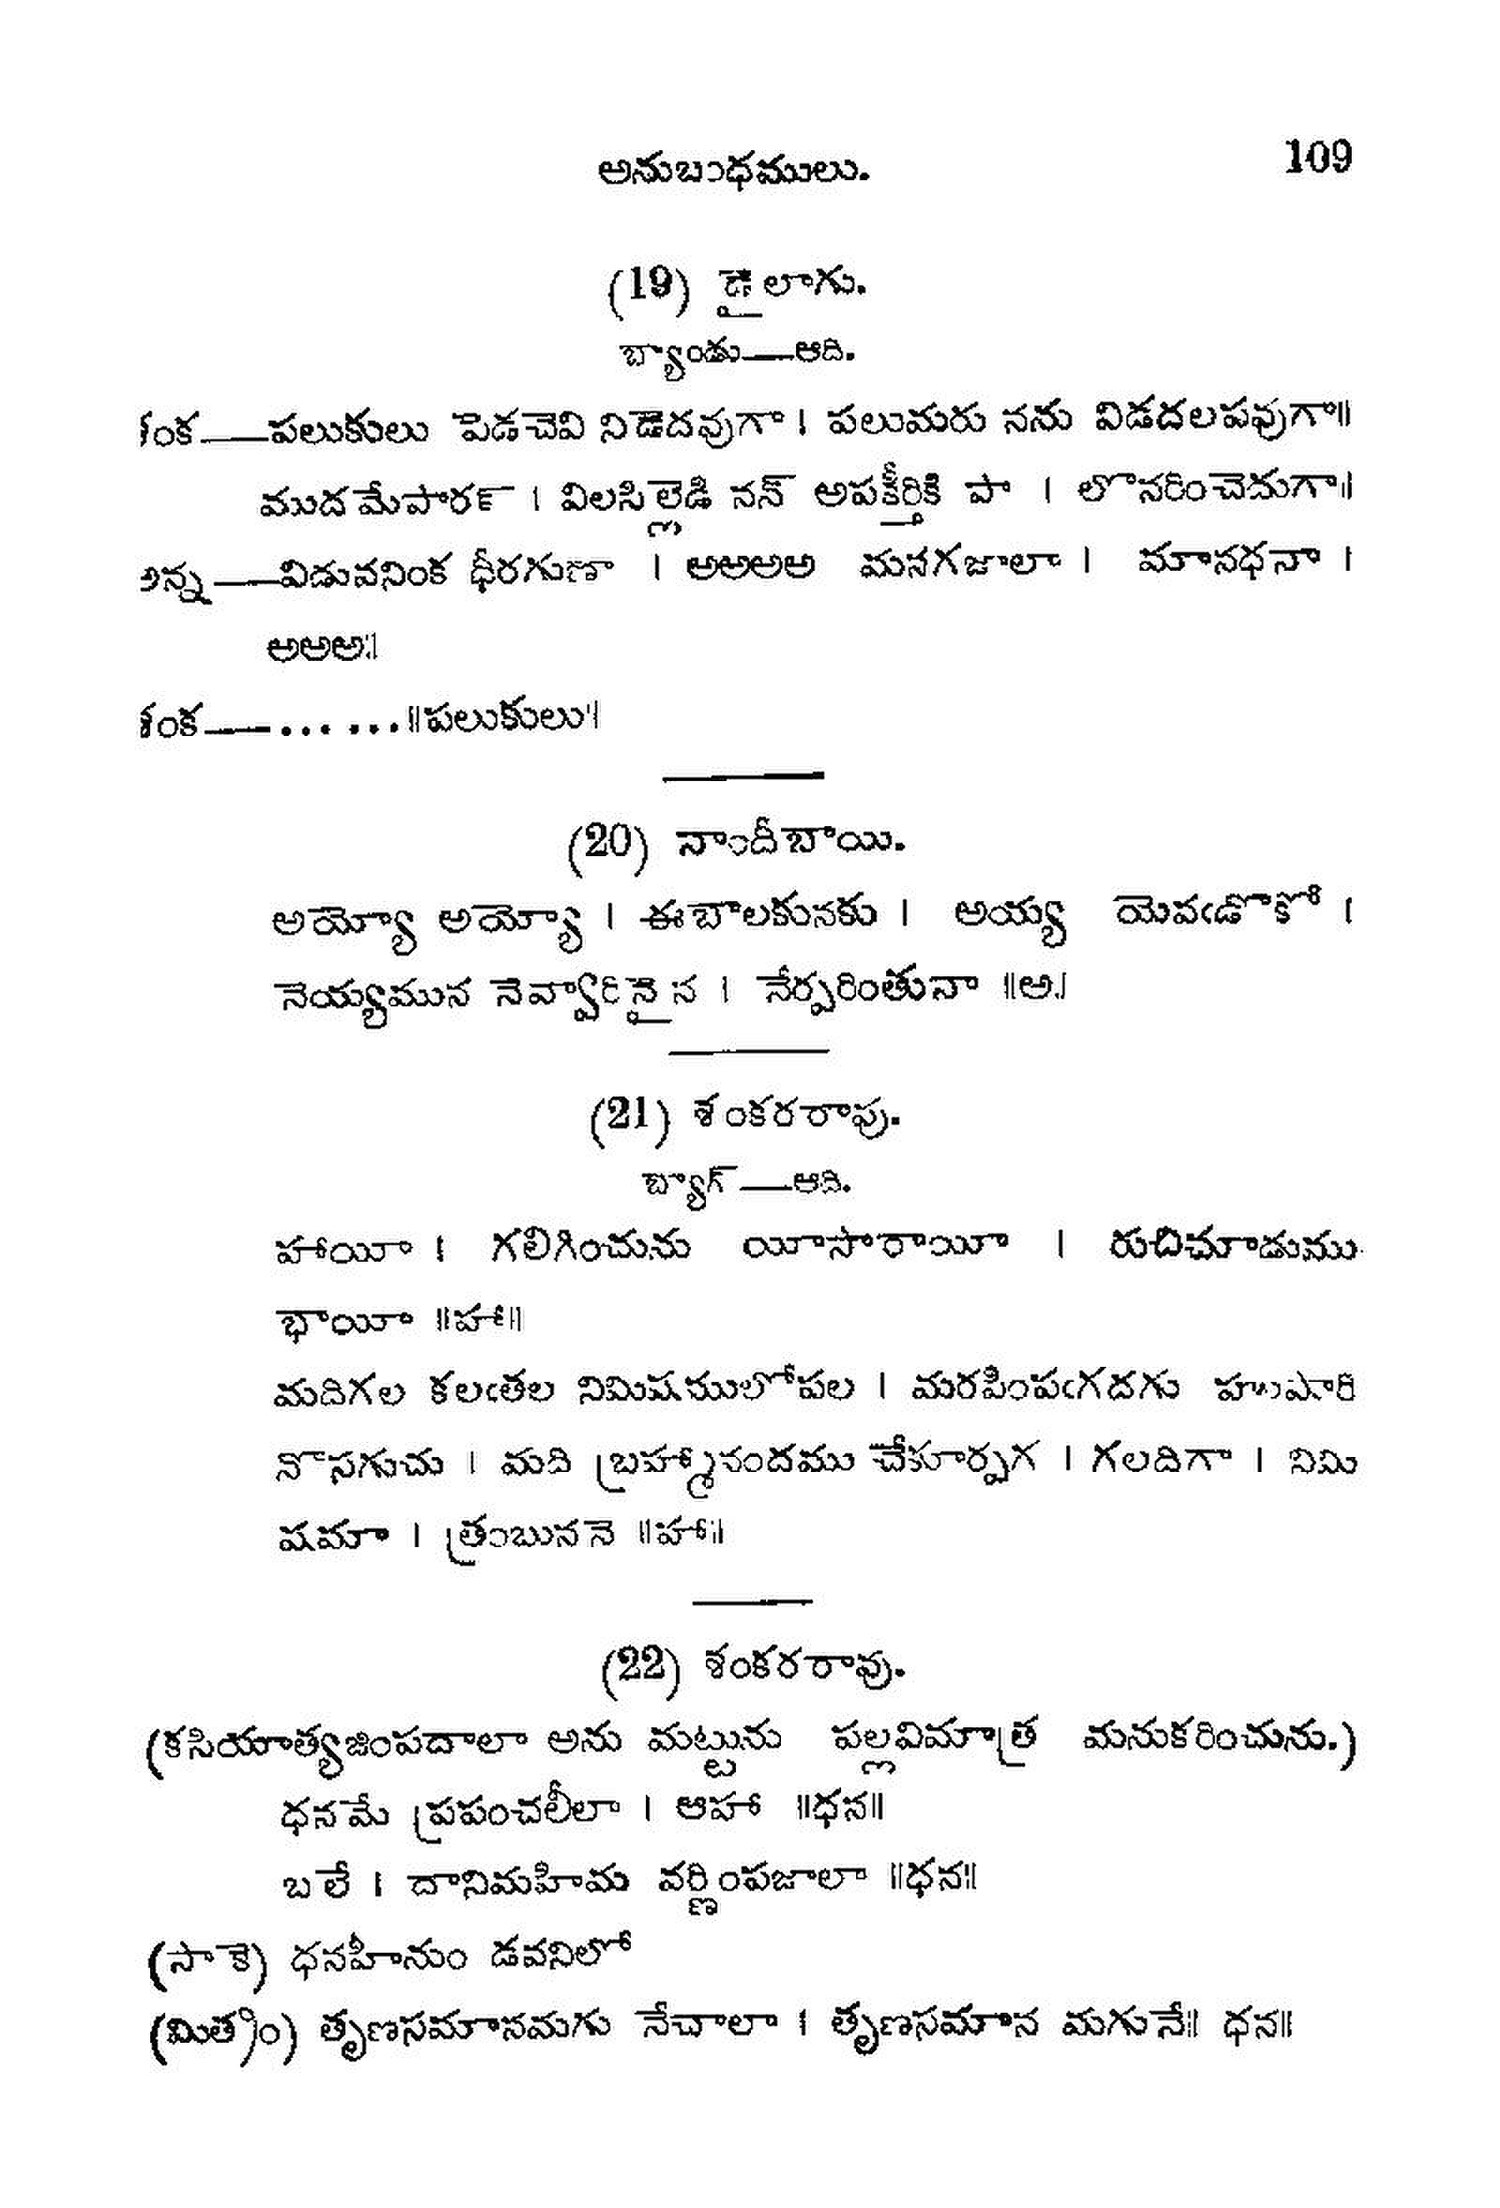శంక - పలుకులు పెడచెవి నిడెదవుగా ! పలుమరు నను విడదలపవుగా॥
 ముదమేపారన్ | విలసిల్లెడి నన్ అపకీర్తికి పా | లొనరించెదుగా!!
అన్న - విడువనింక ధీరగుణా | అఅఅఅ మనగజాలా | మానధనా |
 అఅఅ
శంక -- ......!!పలుకులు!!

అయ్యో అయ్యో | ఈ బాలకునకు | అయ్య యెవఁడొకో |
నెయ్యమున నేవ్వారినైన | నేర్పరింతునా ||అ!!

హాయీ! గలిగించును యీసారాయీ | రుచిచూడుము
భాయీ !!హా||
మదిగల కలఁతల నిమిషములోపల | మరపింపఁగదగు హుషారి
నొసగుచు | మది బ్రహ్మానందము చేకూర్పగ | గలదిగా | నిమి
షమా | త్రంబుననె !!హా!!

ధనమే ప్రపంచలీలా | ఆహా !ధన||
బలే | దానిమహిమ వర్ణింపజాలా || ధన!!
(సాకె) ధనహీనుం డవనిలో
(మిత్రం) తృణసమానమగు నేచాలా ! తృణసమాన మగునే! ధన!